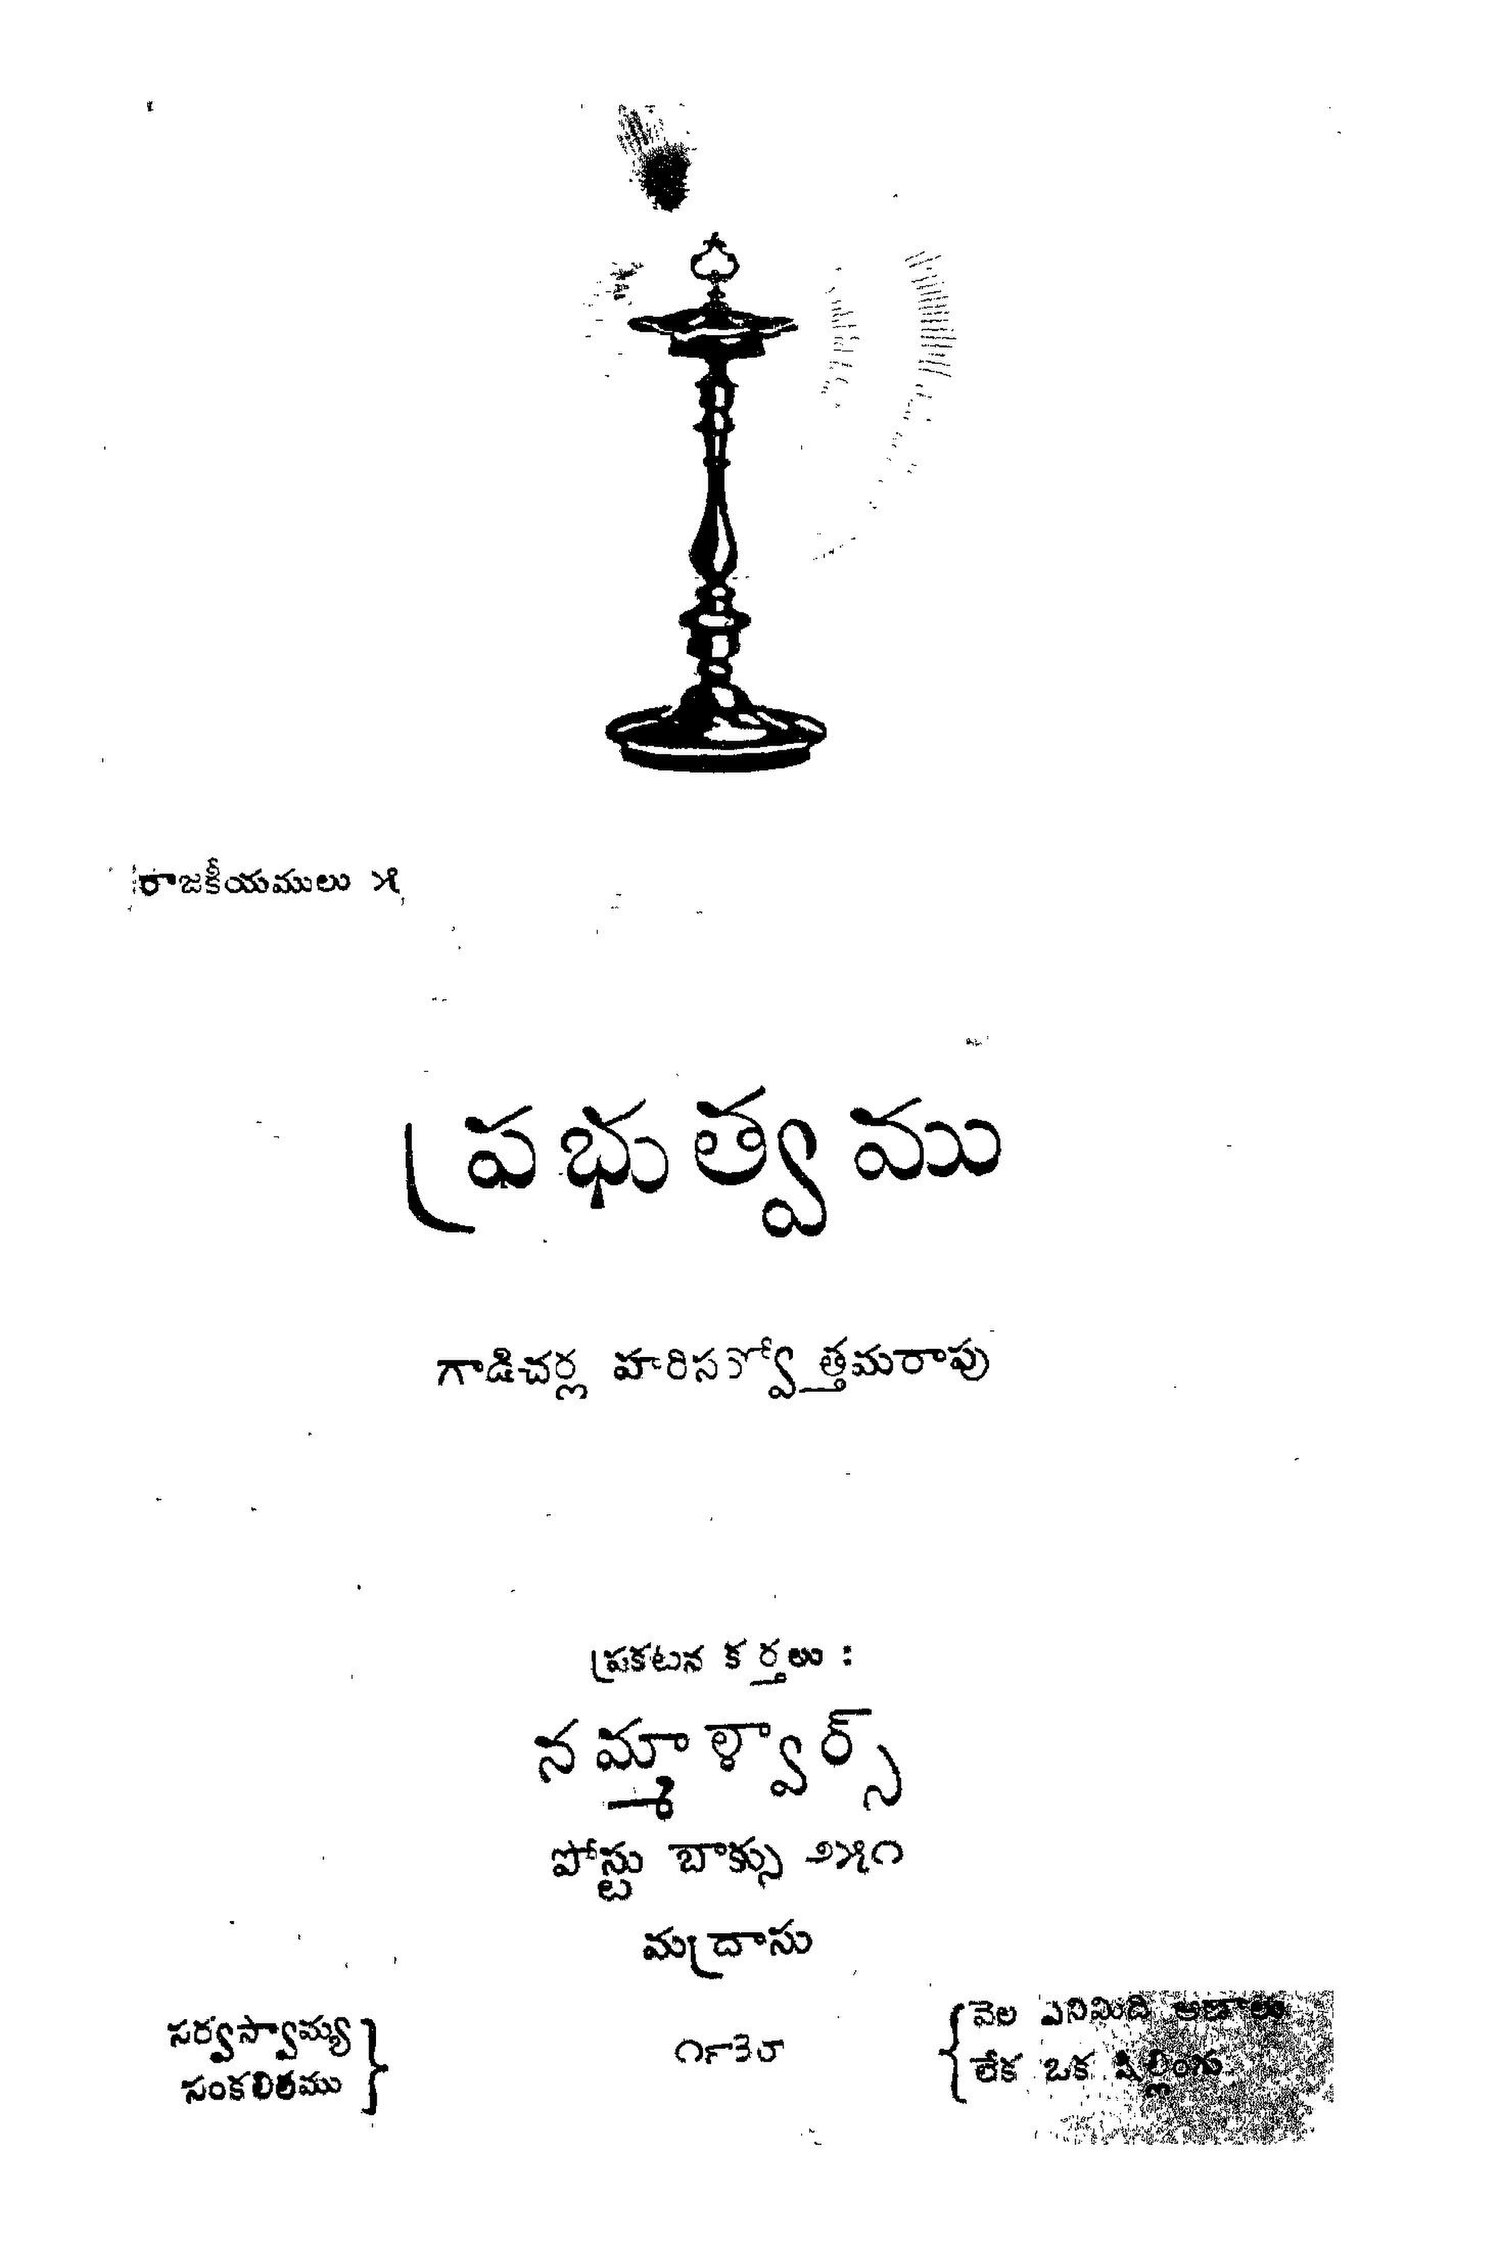ప్రభుత్వము

నమ్మాళ్వార్స్
పోస్టు బాక్సు 251

సర్వస్వామ్య సంకలితము

వెల ఎనిమిది అణాలు లేక ఒక షిల్లింగు